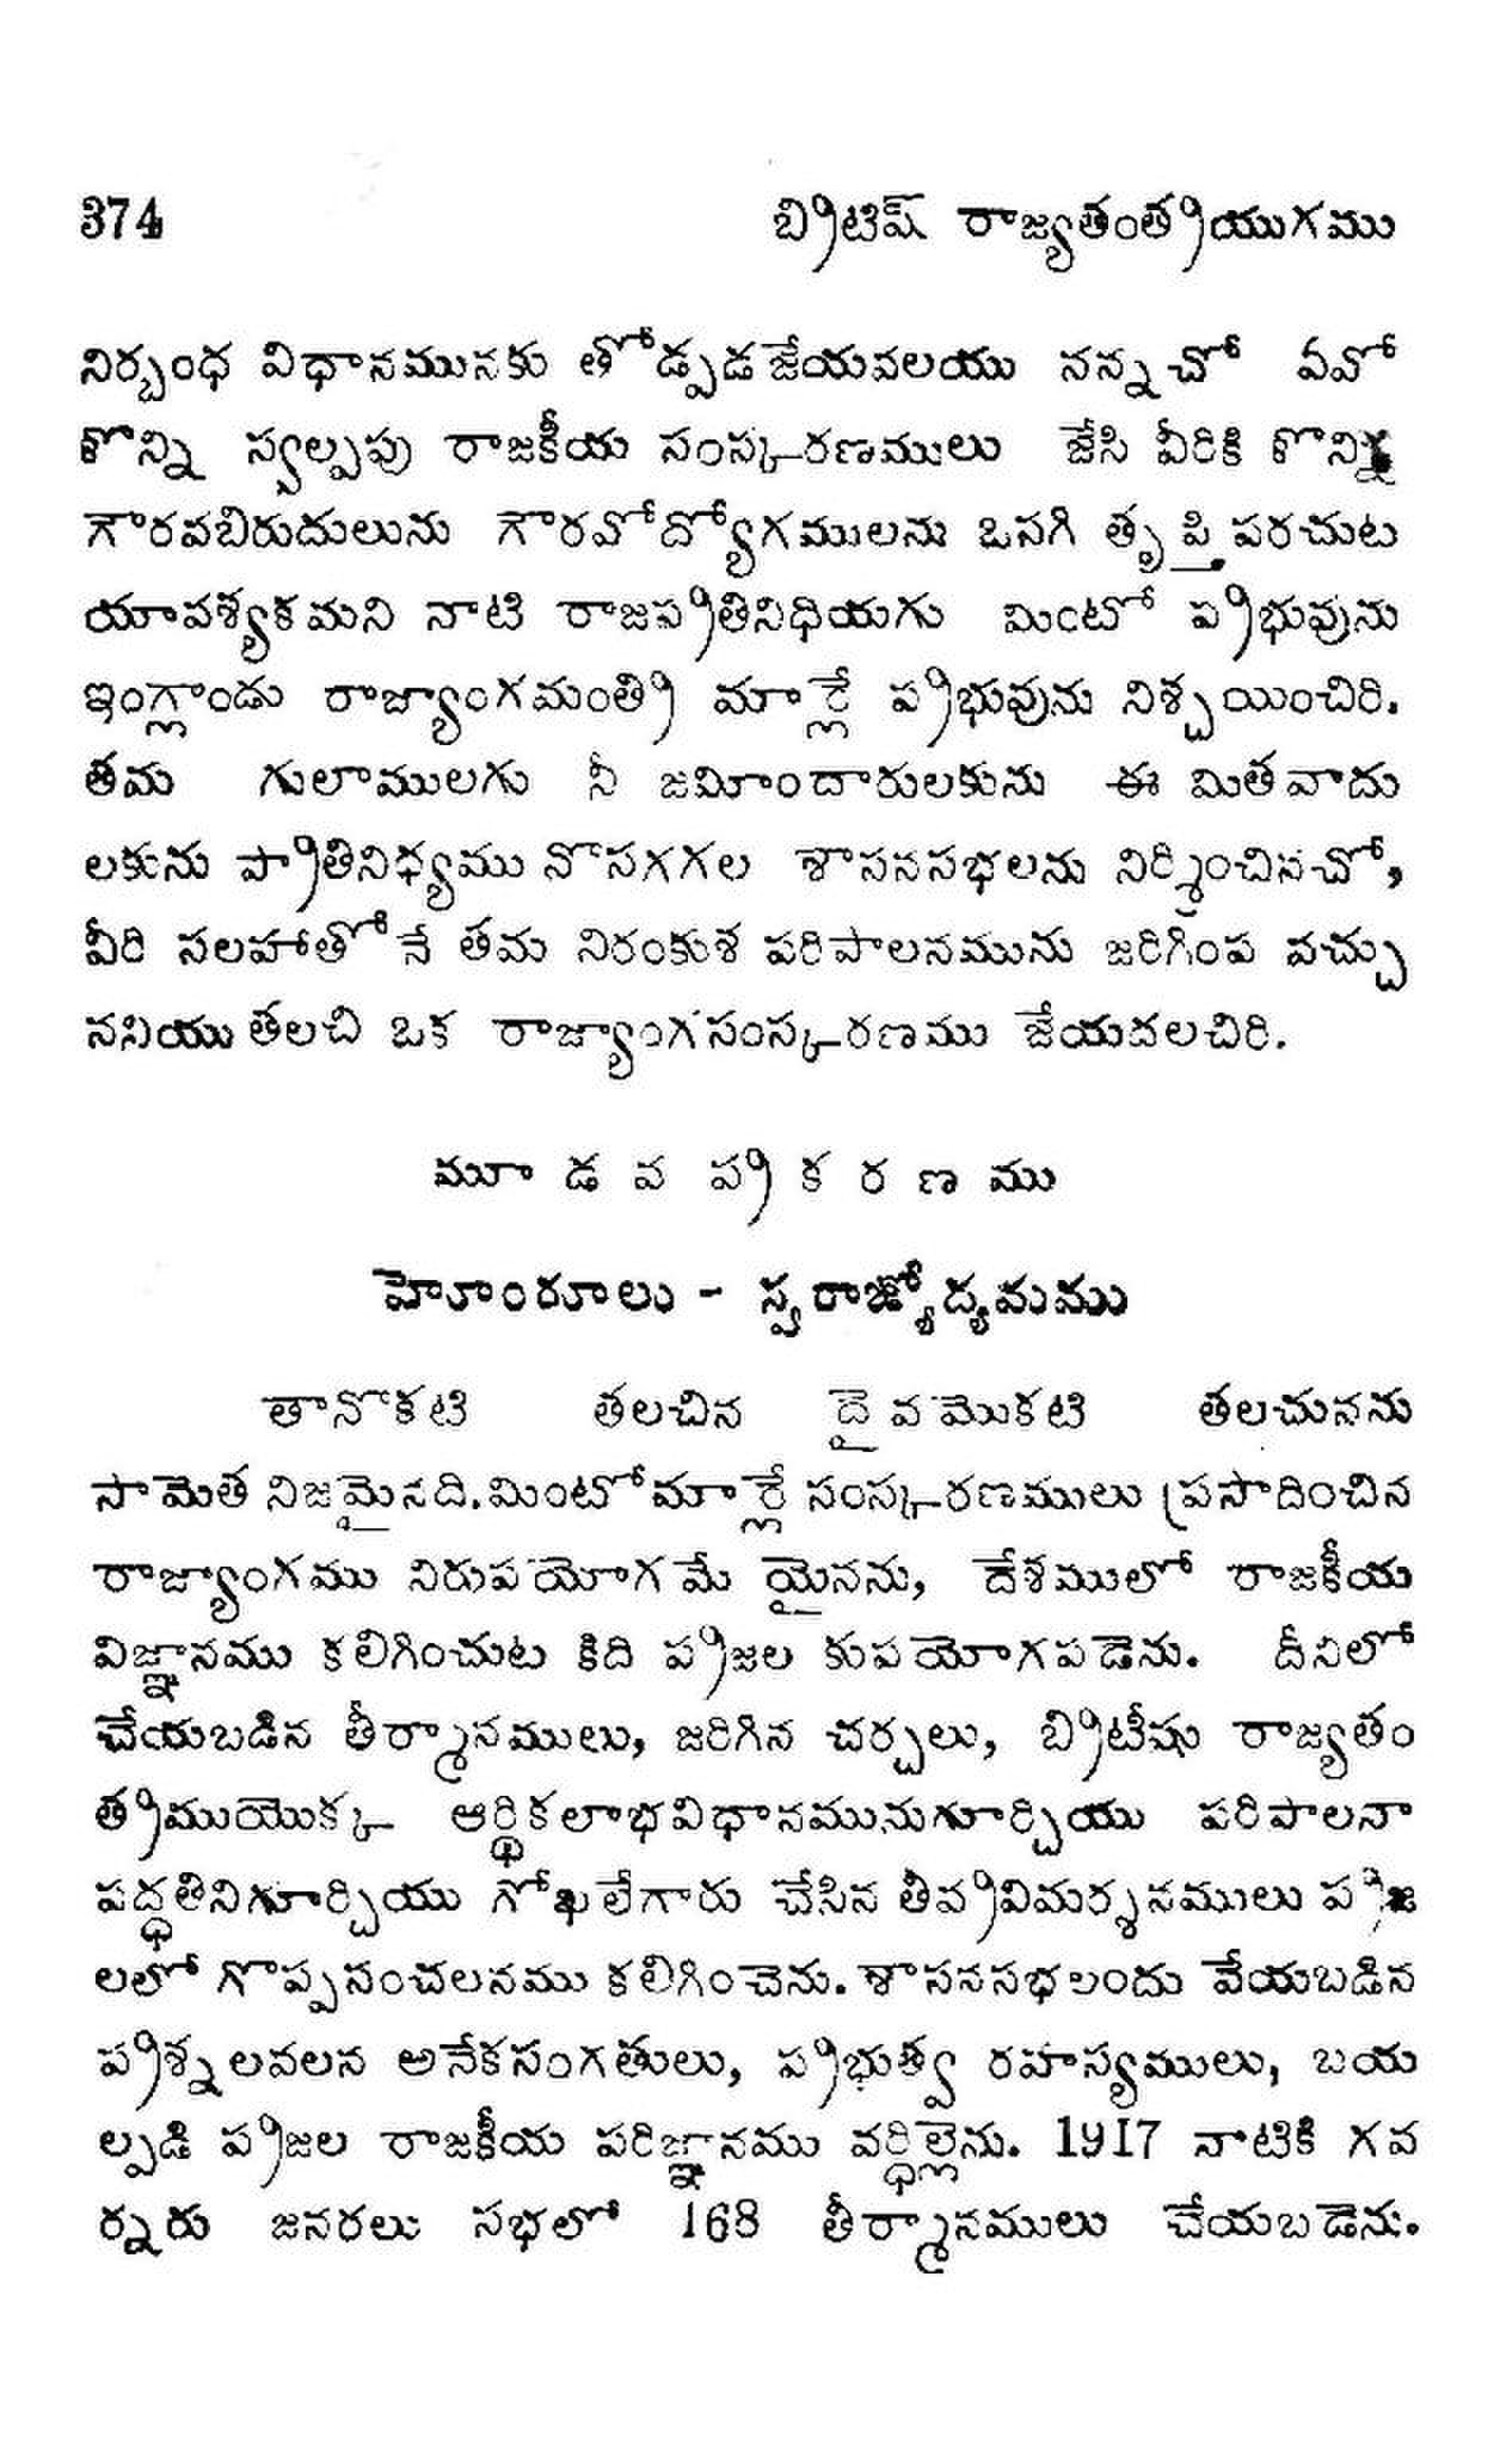నిర్బంధ విధానమునకు తోడ్పడజేయవలయు నన్నచో ఏవో కొన్ని స్వల్పపు రాజకీయ సంస్కరణములు జేసి వీరికి కొన్ని గౌరవబిరుదులును గౌరవోద్యోగములను ఒసగి తృప్తిపరచుట యావశ్యకమని నాటి రాజప్రతినిధియగు మింటో ప్రభువును ఇంగ్లాండు రాజ్యాంగమంత్రి మార్లే ప్రభువును నిశ్చయించిరి. తమ గులాములగు నీ జమీందారులకును ఈ మితవాదులకును ప్రాతినిధ్యము నొసగగల శాసనసభలను నిర్మించినచో, వీరి సలహాతోనే తమ నిరంకుశ పరిపాలనమును జరిగింప వచ్చుననియు తలచి ఒక రాజ్యాంగసంస్కరణము జేయదలచిరి.

మూడవ ప్రకరణము
హోంరూలు - స్వరాజ్యోద్యమము

తానొకటి తలచిన దైవమొకటి తలచునను సామెత నిజమైనది. మింటోమార్లే సంస్కరణములు ప్రసాదించిన రాజ్యాంగము నిరుపయోగమే యైనను, దేశములో రాజకీయ విజ్ఞానము కలిగించుట కిది ప్రజల కుపయోగపడెను. దీనిలో చేయబడిన తీర్మానములు, జరిగిన చర్చలు, బ్రిటీషు రాజ్యతంత్రముయొక్క ఆర్థికలాభవిధానమునుగూర్చియు పరిపాలనా పద్దతినిగూర్చియు గోఖలేగారు చేసిన తీవ్రవిమర్శనములు ప్రజలలో గొప్పసంచలనము కలిగించెను. శాసనసభలందు వేయబడిన ప్రశ్నలవలన అనేకసంగతులు, ప్రభుత్వ రహస్యములు, బయల్పడి ప్రజల రాజకీయ పరిజ్ఞానము వర్ధిల్లెను. 1917 నాటికి గవర్నరు జనరలు సభలో 168 తీర్మానములు చేయబడెను.